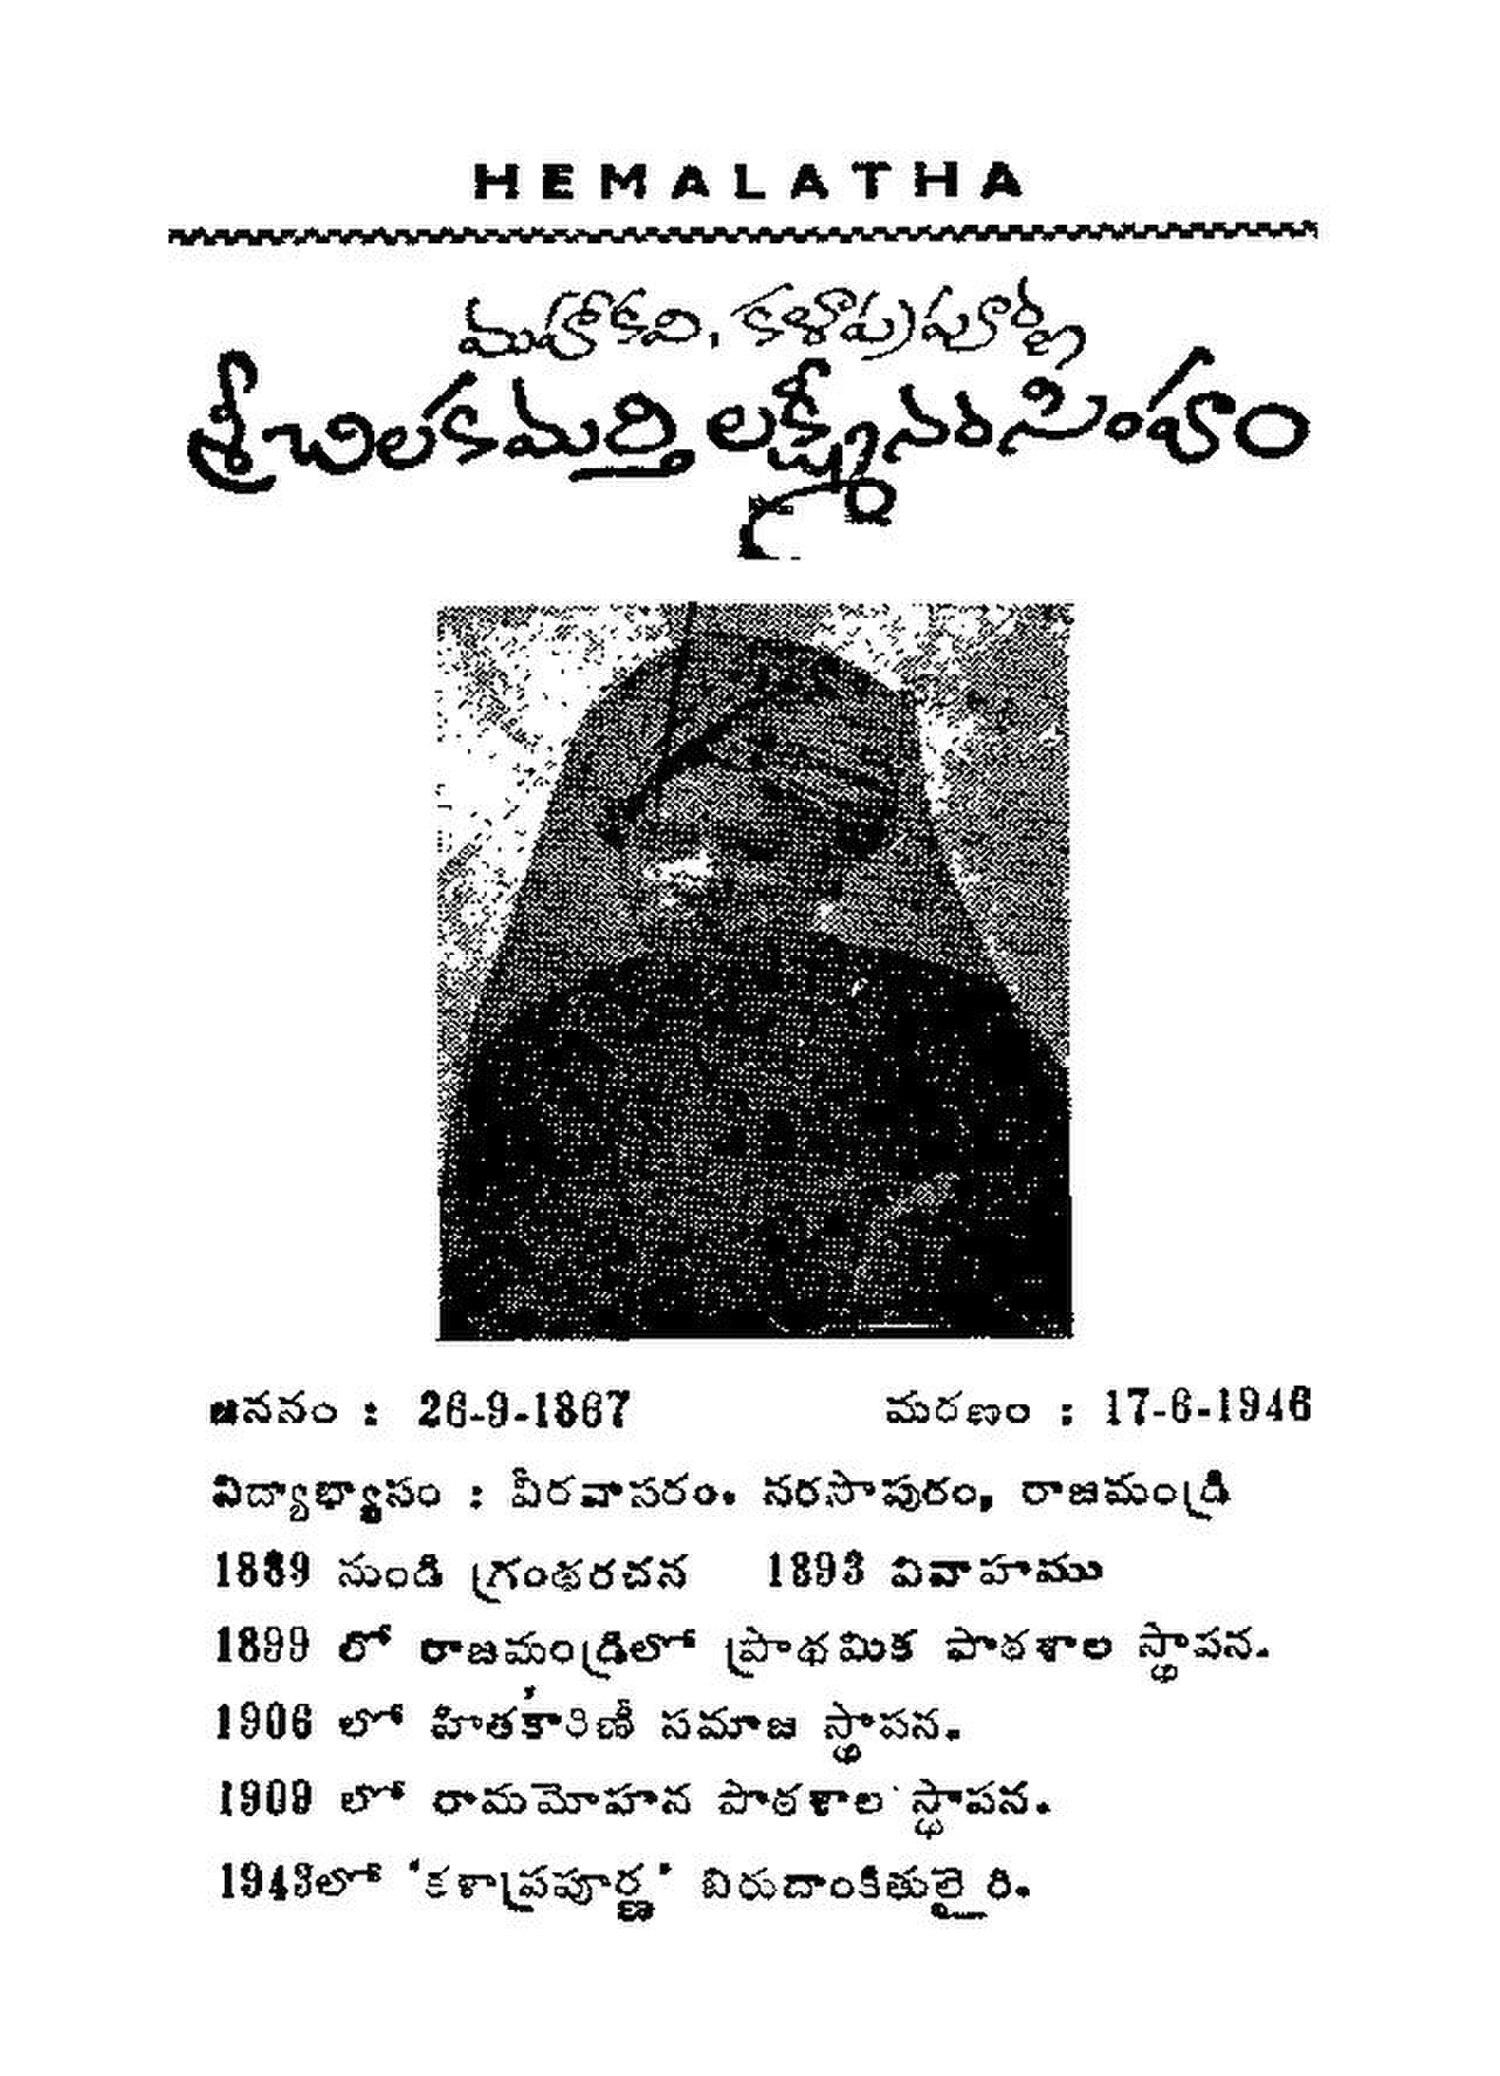జననం : 28-6-1867 మరణం : 17-6-1946 

విద్యాభ్యాసం : వీరవాసరం, నరసాపురం, రాజమండ్రి 

1889 నుండి గ్రంథరచన 1893 వివాహము.

1889 లో రాజమండ్రిలో ప్రాథమిక పాఠశాల స్థాపన.

1906 లో హితకారిణీ సమాజ స్థాపన.

1909 లో రామమోహన పాఠశాల స్థాపన.

1948లో ‘కళాప్రపూర్ణ’ బిరుదాంకితులైరి.